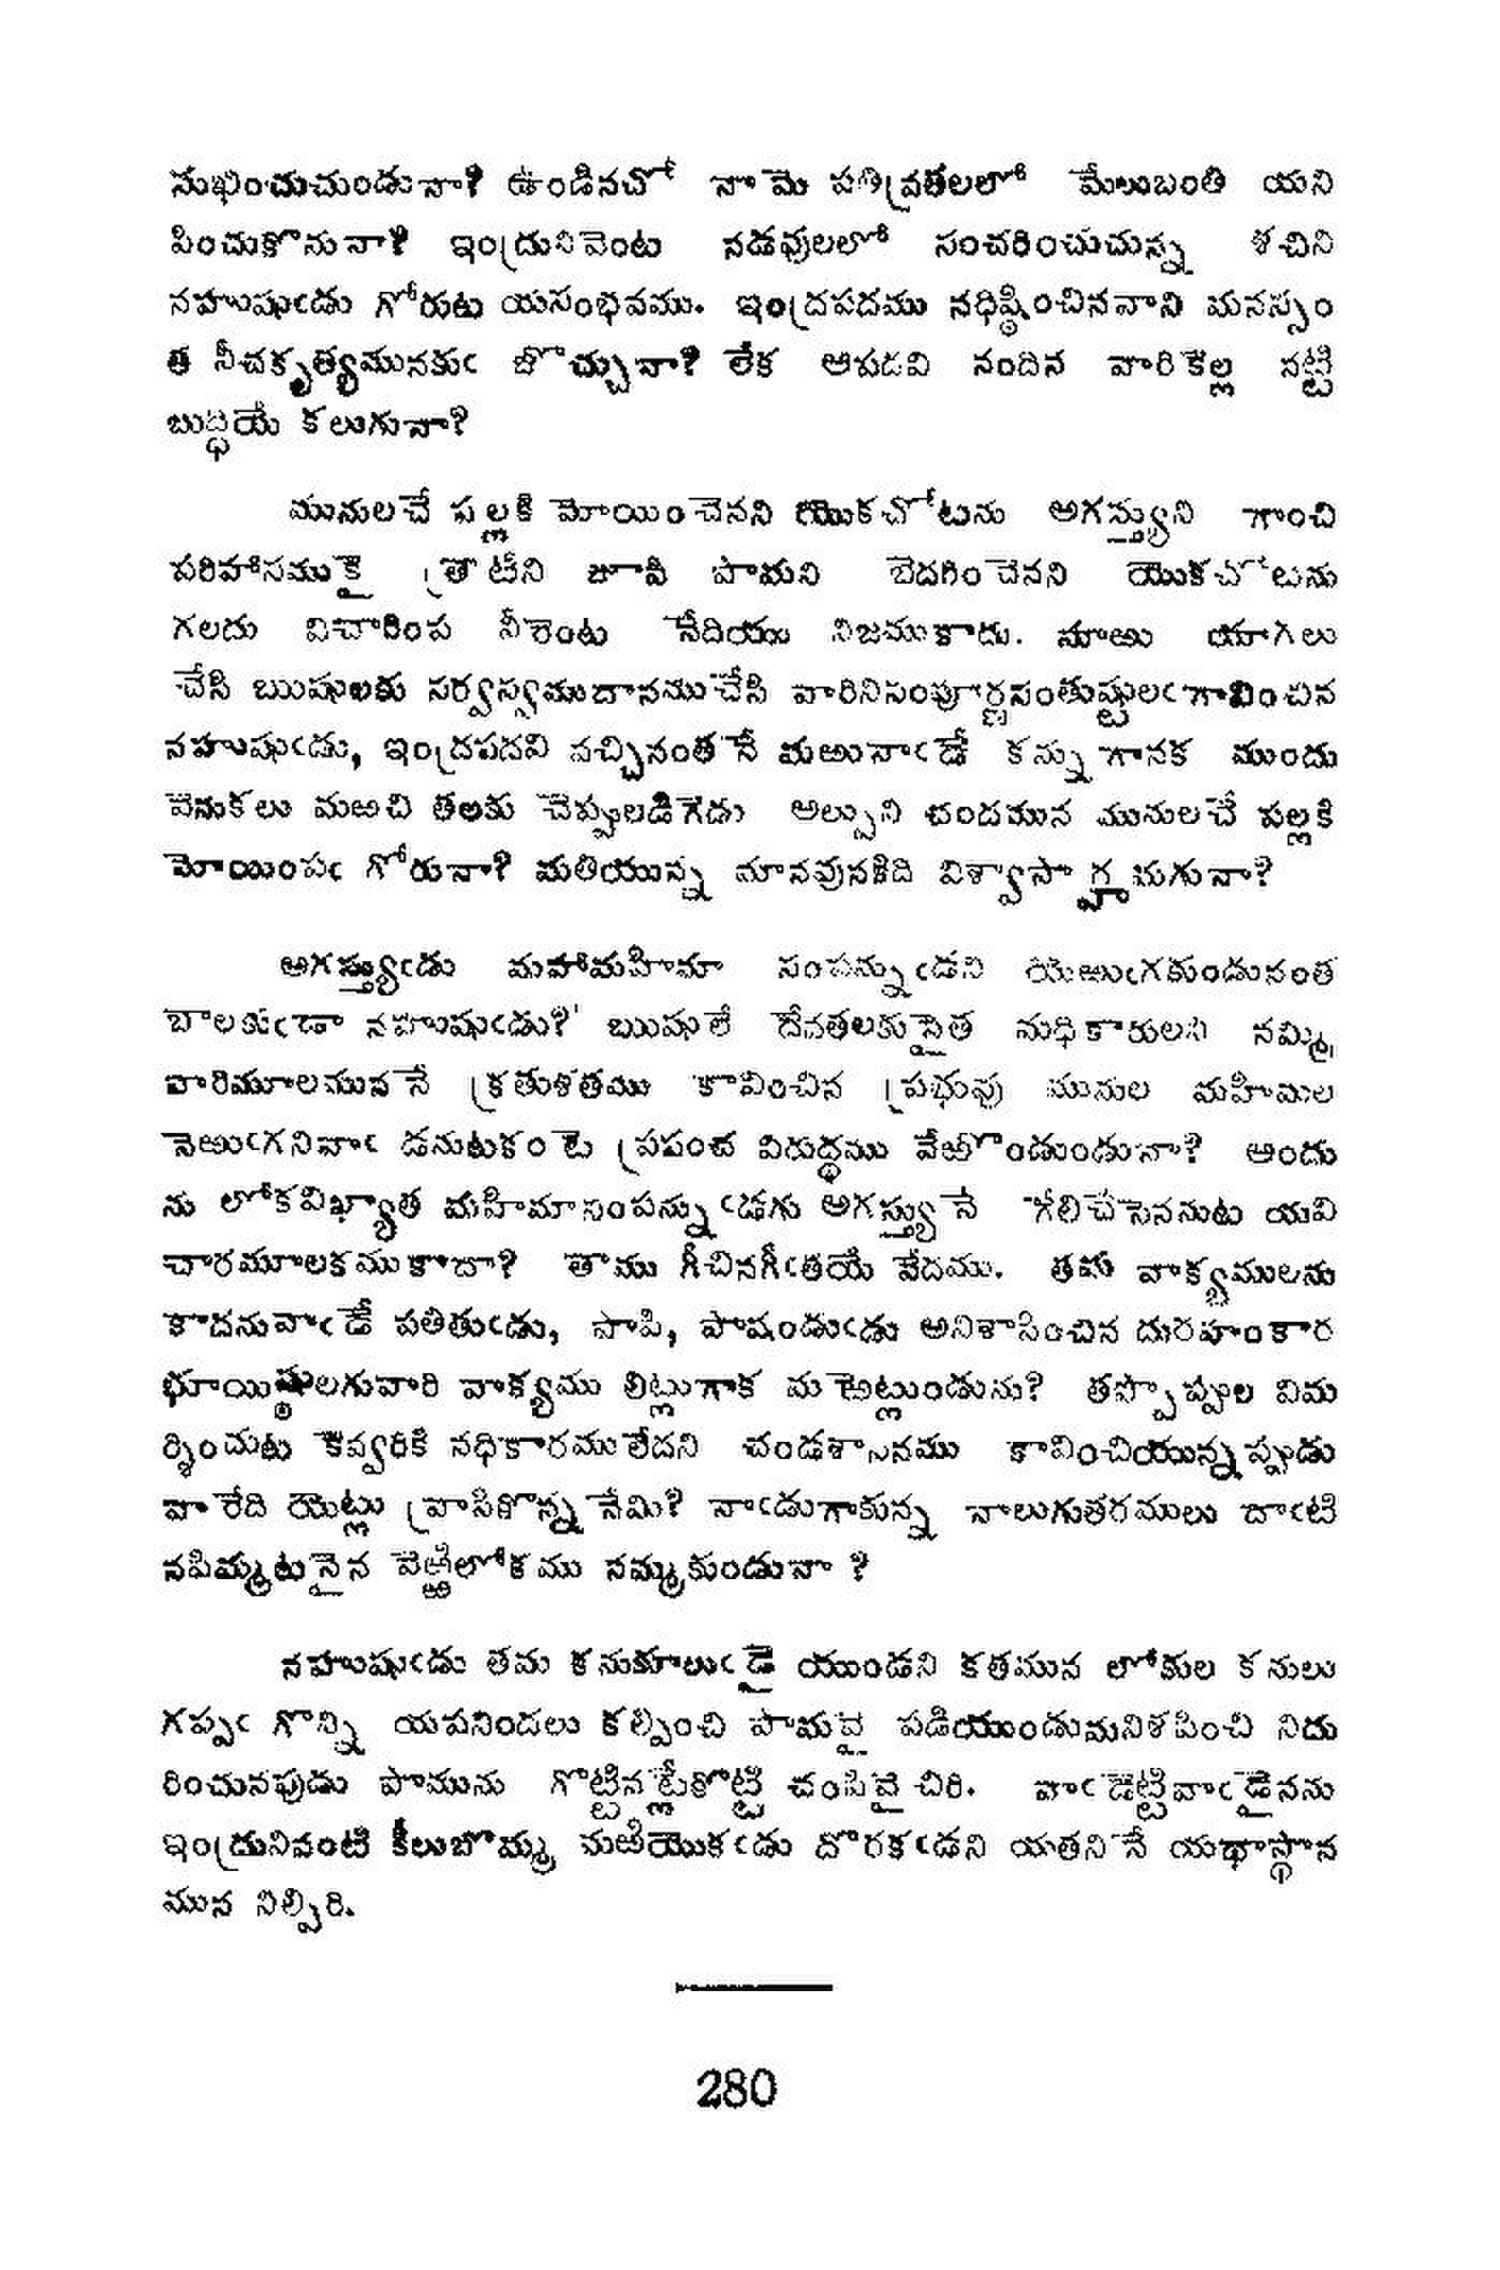సుఖించుచుండునా? ఉండినచో నామె పతివ్రతలలొ మేలుబంతి యనిపించు కొనునా? ఇంద్రునివెంట నడవులలో సంచరించుచున్న శచిని నహుషుడు గోరుట యసంభవము. ఇంద్రపదము నధిష్టించినవాని మనస్సంత నీచకృత్యము నకు జొచ్చునా? లేక ఆపదవి నందిన వారికెల్ల నట్టిబుద్ధియే కలుగునా?
 మునులచే పల్లకి మోయించెనని యొకచోటను అగస్త్యుని గాంచి పరిహాసము కై త్రాటిని జూపి పామని బెదరించెనని యొకచోటను గలదు. విచారింప నీరెంట నెదియు నిజముకాదు. నూఱు యాగలు చేసి ఋషులకు సర్వస్వముదానము చేసి వారినిసంపూర్ణసంతుష్టులగావించిన నహుషుడు, ఇంద్రపదవిని వచ్చినంత నే మఱునాడే కన్నుగానక ముందువెనుకలు మఱచి తలకు చెప్పులడిగెడు అల్పుని చందమున మునులచే పల్లకి మోయింప గోరునా? మతియున్న మానఫునకిది విశ్వాసార్హమగునా?
 అగస్త్యుడు మహామహీమా సంఫన్నుడని యెఱుగకుండునంత బాలకుడా నహషుడు? ఋషులే దేవతలకుసైత మధికారలని నమ్మి వారిమూలముననే క్రతుశతము కావించిన ప్రభువు మునుల మహిమల నెఱుగనివాడనుటకంటె ప్రపంచ విరుద్దము వేఱొండునుండునా? అందును లోకవిఖ్యాత మహైమా సంపన్నుడు అగస్త్యునే గేలిచేసెననుట యని చారమూలకముకాదా? తాము గీచినగీతయే వేదము. తమ వాక్యములను కాదనువాడే పతితుడు, పాపి, పాషండుడు అనిశాపించిన దురహంకరబూయిష్ఠులగువారి వాక్యము లిట్లుగాక మఱెట్లుందును? తప్పొప్పుల విమర్శించుట కెవ్ఫరికి నధికారములేదని చండ శాసనము కావించియున్నప్పుడు వారేది యెట్లు వ్ర్రాసికొన్ననేమి? నాడుకాకున్న నాలుగుతరమ్లు దాటినపిమ్మటనైన వెఱ్ఱిలోకము నమ్మకుండునా?
 నహుషుడు తను కనుకూలుడై యుండని కతమున లోకుల కనులు గప్ప గొన్ని యపనిందలు కల్పించి పామదై పడియుండుమనిశపించి నిరురించు నపుడు పామును గొట్టినట్లేకొట్టి చంపివైచిరి. వాడేట్టివాడైనను ఇంద్రునివంటి కీలుంబొమ్మ మఱియుకడు దొరకడని యతినినే యధాస్థానమున నిల్పిరి.